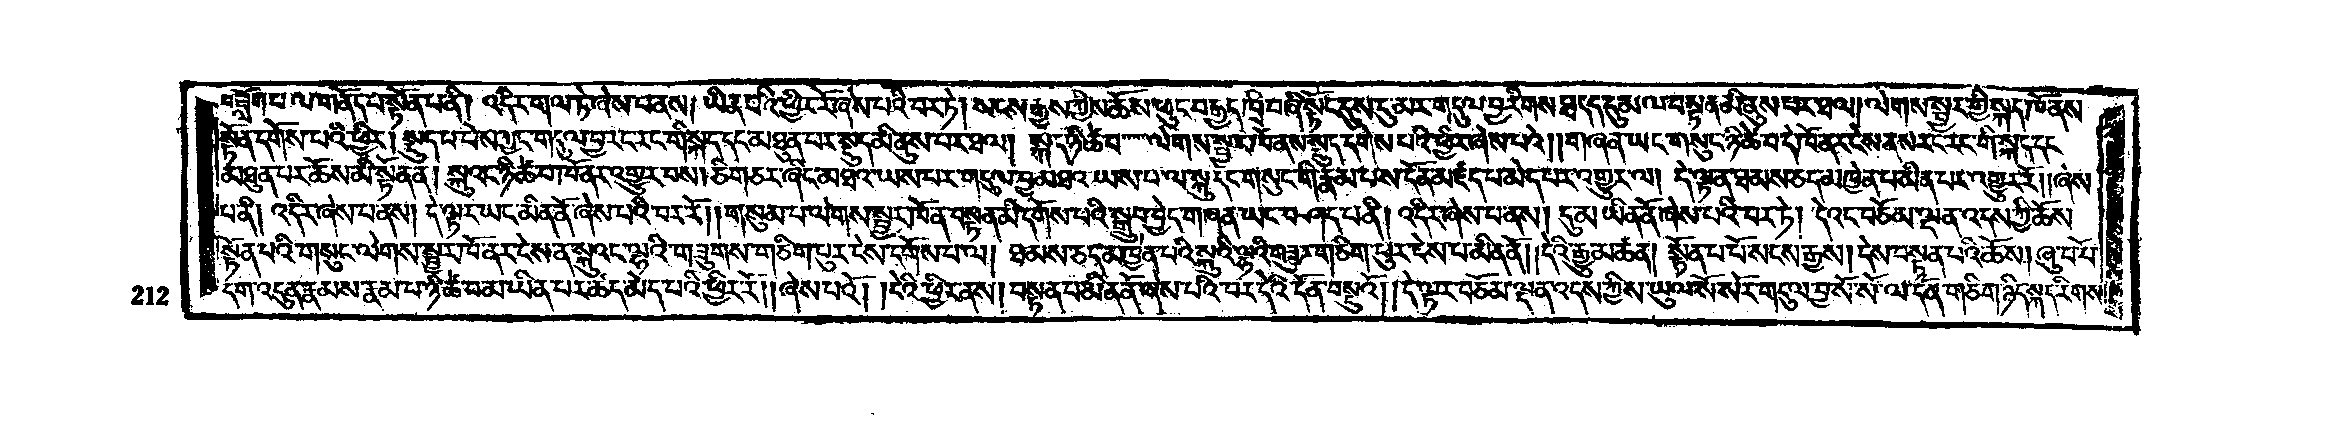བཟློག་པ་ལ་གནོད་པ་སྟོན་པ་ནི། འདིར་གལ་ཏེ་ཞེས་པ་ནས། ཡིན་པའི་ཕྱིར་རོ་ཞེས་པའི་བར་ཏེ། སངས་རྒྱས་ཀྱིས་ཆོས་ཕུང་བརྒྱད་ཁྲི་བཞི་སྟོང་དུས་དུ་མར་གདུལ་བྱ་རིགས་ཐ་དད་དུ་མ་ལ་བསྟན་མི་ནུས་པར་ཐལ། ལེགས་སྦྱར་གྱི་སྐད་ཁོ་ནས་
སྟོན་དགོས་པའི་ཕྱིར། སྡུད་པ་པོས་ཀྱང་གདུལ་བྱ་རང་རང་གི་སྐད་དང་མཐུན་པར་སྡུད་མི་ནུས་པར་ཐལ། སྐད་ཉི་ཚེ་བ་ལེགས་སྦྱར་ཁོ་ནས་སྡུད་དགོས་པའི་ཕྱིར་ཞེས་པའོ། །གཞན་ཡང་གསུང་ཉི་ཚེ་བ་དེ་ཁོ་ནར་ངེས་ནས་རང་རང་གི་སྐད་དང་
མཐུན་པར་ཆོས་མི་སྟོན་ན། སྐུའང་ཉི་ཚེ་བ་ཁོ་ནར་འགྱུར་བས། ཅིག་ཅར་ཞིང་མཐའ་ཡས་པར་གདུལ་བྱ་མཐའ་ཡས་པ་ལ་སྐུ་དང་གསུང་གི་རྣམ་པས་དོན་མཛད་པ་མེད་པར་འགྱུར་ལ། དེ་ལྟ་ན་ཐམས་ཅད་མཁྱེན་པ་མིན་པར་འགྱུར་རོ། །ཞེས་
པ་ནི། འདིར་ཞེས་པ་ནས། དེ་ལྟར་ཡང་མིན་ནོ་ཞེས་པའི་བར་རོ། །གསུམ་པ་ལེགས་སྦྱར་ཁོ་ན་བསྟན་མི་དགོས་པའི་སྒྲུབ་བྱེད་གཞན་ཡང་བཤད་པ་ནི། འདིར་ཞེས་པ་ནས། དུ་མ་ཡིན་ནོ་ཞེས་པའི་བར་ཏེ། དེའང་བཅོམ་ལྡན་འདས་ཀྱི་ཆོས་
སྟོན་པའི་གསུང་ལེགས་སྦྱར་ཁོ་ནར་ངེས་ན་སྐུའང་ལྷའི་གཟུགས་གཅིག་པུར་ངེས་དགོས་པ་ལ། ཐམས་ཅད་མཁྱེན་པའི་སྐུའི་ལྷའི་གཟུགས་གཅིག་པུར་ངེས་པ་མིན་ནོ། །དེའི་རྒྱུ་མཚན། སྟོན་པ་པོ་སངས་རྒྱས། དེས་བསྟན་པའི་ཆོས། ཞུ་བ་པོ་
དག་འདུན་རྣམས་རྣམ་པ་ཉི་ཚེ་བ་མ་ཡིན་པར་ཚད་མེད་པའི་ཕྱིར་རོ། །ཞེས་པའོ། །དེའི་ཕྱིར་ནས། བསྟན་པ་མིན་ནོ་ཞེས་པའི་བར་དེའི་དོན་བསྡུའོ། །དེ་ལྟར་བཅོམ་ལྡན་འདས་ཀྱིས་ཡུལ་སོ་སོར་གདུལ་བྱ་སོ་སོ་ལ་དོན་གཅིག་ཉིད་སྐད་རིགས་